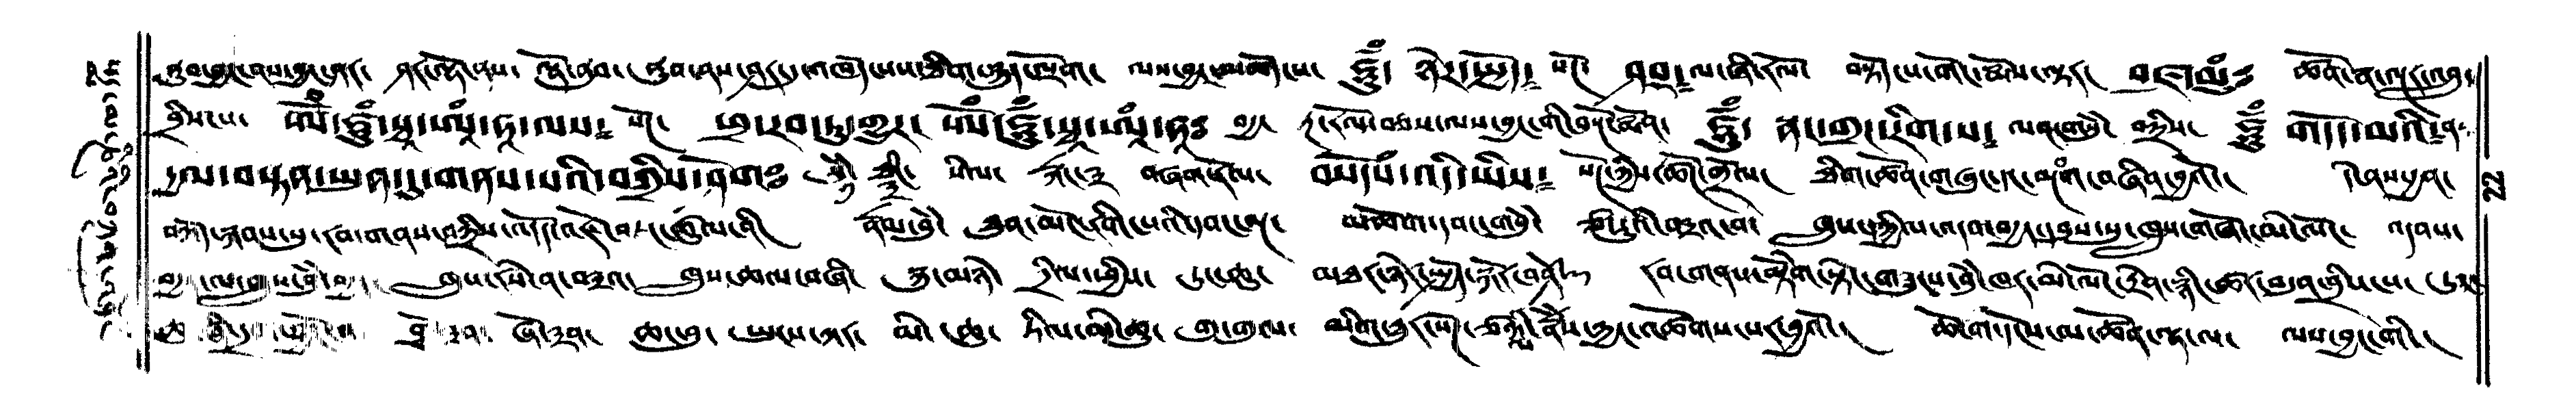ནུབ་བྱང་ནས་བྱང་ཤར། ཤར་ལྷོ་ནས་ལྷོ་ནུབ། ནུབ་ནས་ཤར་དུ་འཁོད་པས་ཐིག་སྐུད་ལྡོག ལས་བྱང་མཆོད་པ། ཧཱུྃ༔ ཉེར་སྤྱོད༴ སོགས། ཤབྡ༴ ལ་ཞི་རོལ།བསྟོད་པ་གོང་སྨོས་ལྟར། བཛྲ་མུཾཿ ཚོན་སྣ་ལྔར་འབྲུ་
བྲིས་པ། ཨོཾ་ཧཱུྃ་སྭ་ཨཱཾ་ཧཱ་ལས༴ སོགས། ཕྲ་རབ་ཏུ་གྱུར༔ ཨོཾ་ཧཱུྃ་སྭ་ཨཱཾ་ཧཱཿ རང་རྒྱ། རྔ་རོལ་བཅས་ལས་བྱང་གི་བསྔོ་སྨོན། ཧཱུྃ། སྣང་གྲགས་རིག་པ༴ ལན་གསུམ། བཀྲ་ཤིས། ཧཱུྃ༔ གདོད་མའི༴ ནས། 
རྒྱལ་བསྟན་ཡུན་དུ་གནས་པའི་བཀྲིས་ཤོག༔ སུམ་གཅིག ཐིང་གསུམ། ཟིལ། རྐང་གསུམ། བཞག་རོལ། བསོད་རྣམས་འདི་ཡིས༴ སོགས་ཀྱིས་ཚོགས་གྲོལ། ཐིག་ཚོན་གཞུང་དང་མན་ངག་བཞིན་བྱའོ། དེ་ནས་རྒྱན་
བཀོད་སྐབས་སུ་རབ་གནས་བཀྲ་ཤིས་འདོད་འཇོ་གཏོང་ཚུལ་ནི། རྣམ་བུམ། ཐུན་མོང་རིག་པའི་དབང་ལྔ། མཆོག་དབང་གསུམ། ཙྭ་རུའི་བཟའ་བ། ཁྲུས་དཀྱིལ་འདབ་བརྒྱད་དབུས་སུ་ཁྲུས་གཞོང་མེ་ལོང་། འདབ་
བརྒྱད་ལ་ཁྲུས་བུམ་བརྒྱད། ཁྲུས་རས་ན་བཟའ། ཁྲུས་ཆལ་བཞི། སྐུ་མཉེ། དྲིལ་ཕྱིས། དུང་ཆུ། མཐར་ཉེར་སྤྱོད་སྐོར་བཤམ། རབ་གནས་མེ་ཏོག་སྟེང་གཟུངས་བུམ་ཁར་མེ་ལོང་རྟེན་སྙིང་ཚར་བདུན་བྲིས་པ། དུང་
རུང་ཆུ་ཞི་དྲག་སྦྱོང་བ། གྲོ་ཟན། ཞོ་ཟན། ཆང་བུ། ཡུངས་ཀར། མེ། ཆུ། ཏིལ་མེ་ཆུ། གུ་གུལ། མིག་ཐུར་སོགས་ཙཀ་ལི་རྣམས་ཀྱང་འཚོགས་པར་བྱའོ། ཆོ་ག་དངོས་ལ་ཚོན་ལྷ་ལ། ལས་བྱང་གི